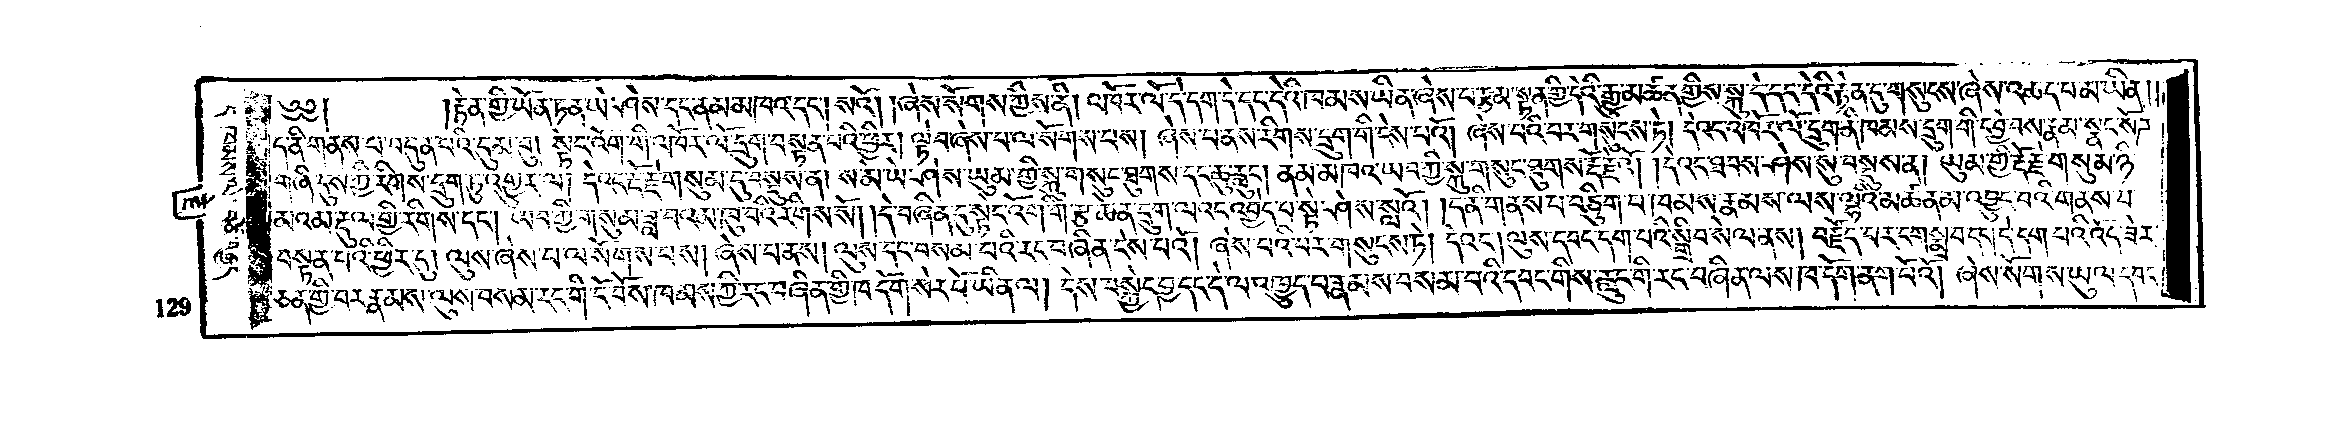༄༅། །རྟེན་གྱི་ཡོན་ཏན་ཡེ་ཤེས་དང་ནམ་མཁའ་དང་། སའོ། །ཞེས་སོགས་ཀྱིས་ནི། འཁོར་ལོ་དེ་དག་དེ་དང་དེའི་ཁམས་ཡིན་ཞེས་པ་རྩམ་སྟན་གྱི་དེའི་རྒྱུ་མཚན་གྱིས་སྐུ་དེ་དང་དེའི་རྟེན་དུ་གསུངས་ཞེས་འཆད་པ་མ་ཡིན། །
ད་ནི་གནས་པ་བདུན་པའི་དུམ་བུ། སྟེང་འོག་གི་འཁོར་ལོ་དྲུག་བསྟན་པའི་ཕྱིར། ལྟེ་བ་ཞེས་པ་ལ་སོགས་པས། ཞེས་པ་ནས་རིགས་དྲུག་གི་ངེས་པའོ། ཞེས་པའི་བར་གསུངས་ཏེ། དེའང་འཁོར་ལོ་དྲུག་ནི་ཁམས་དྲུག་གི་དབྱེ་བས་རྣམ་སྣང་སོགས་
གཞི་དུས་ཀྱི་རིགས་དྲུག་ཏུ་འགྱུར་ལ། དེའང་རྡོ་རྗེ་གསུམ་དུ་བསྡུས་ན། ས་མེ་ཡེ་ཤེས་ཡུམ་གྱི་སྐུ་གསུང་ཐུགས་དང་ཆུ་རླུང་། ནམ་མཁའ་ཡབ་ཀྱི་སྐུ་གསུང་ཐུགས་རྡོ་རྗེའོ། །དེའང་ཐབས་ཤེས་སུ་བསྡུས་ན། ཡུམ་གྱི་རྡོ་རྗེ་གསུམ་ཉི་
མའམ་རྡུལ་གྱི་རིགས་དང་། ཡབ་ཀྱི་གསུམ་ཟླ་བའམ་ཁུ་བའི་རིགས་སོ། །དེ་བཞིན་དུ་སྟེང་འོག་གི་རྩ་ཆེན་དྲུག་ལའང་འབྱེད་པ་སྟེ་ཤེས་སླའོ། །ད་ནི་གནས་པ་བཅུ་གཅིག་པ་ཁམས་རྣམས་ལས་ལྷའི་མཚན་མ་འབྱུང་བའི་གནས་པ་
བསྟན་པའི་ཕྱིར་དུ། ལུས་ཞེས་པ་ལ་སོགས་པས། ཞེས་པ་ནས། ལུས་དང་བསམ་པའི་རང་བཞིན་ངེས་པའོ། ཞེས་པའི་བར་གསུངས་ཏེ། དེའང་། ལུས་དབང་དག་པའི་སྒྲིབ་སེལ་ནས། བརྗོད་པར་ངག་སྨྲ་བ་དང་། དེ་དག་པའི་འོད་ཟེར་
ཅན་གྱི་བར་རྣམས་ལུས་བསམ་རང་གི་ངོ་བོ་ས་ཁམས་ཀྱི་རང་བཞིན་གྱི་ཁ་དོག་སེར་པོ་ཡིན་ལ། དེས་བསྐྱེད་བྱ་དང་དེ་ལ་འཁྱུད་པ་རྣམས་བསམ་པའི་དབང་གིས་རླུང་གི་རང་བཞིན་ལས་ཁ་དོག་ནག་པོའོ། ཞེས་སོགས་ཡུལ་དབང་